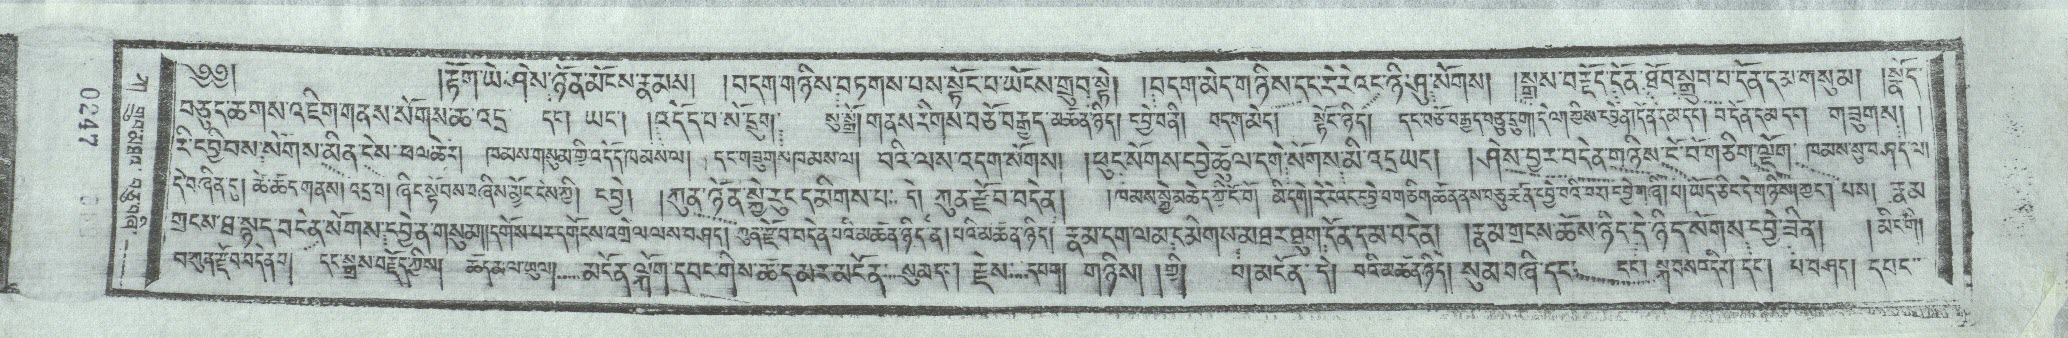༄༅། །རྟོག་ཡེ་ཤེས་ཉོན་མོངས་རྣམས། །བདག་གཉིས་བཏགས་བས་སྟོང་པ་ཡོངས་གྲུབ་སྟེ། །བདག་མེད་གཉིས་དང་རེ་རེའང་ཉི་ཤུ་སོགས། །སྒྲུས་བརྗོད་དོན་ཐོབ་སྒྲུབ་བ་དོན་དམ་གསུམ། །སྣོད་
བཅུད་ཆགས་འཇིག་གནས་སོགས་ཆ་འདྲ་དང་། ཡང་། །འདོད་པ་སོ་དྲུག། སུ་སྒྲོ་གནས་རིགས་བཅོ་བརྒྱད་མཚན་ཉིད། དབྱེ་བ་ནི། བོད་ག་མེད། སྟོང་ཉིད། དང་བཅོ་བརྒྱད་བཅུ་དྲུག་ཏེ་ལ། ཀྱིས་ཕྱེན། དོན་དམ་དང་། གཟུགས། །
རི་དབྱིབས་སོགས་མིན་ངེས་ཕལ་ཆེར། ཁམས་གསུམ་གྱི་འདོད་ཁམས་ལ། དང་གཟུགས་ཁམས་ལ། བའི་ལས་འདག་སོགས། །ཕུད་སོགས་དབྱེ་ཚུལ་དགེ་སོགས་མི་འདྲ་ཡང་། །ཤེས་བྱུར་བདེན་གཉིས་ངོ་བོ་གཅིག་སྟོག་ཁམས་གཤད་པ་
དེ་བཞིན་དུ། ཚེ་ཚད་གནས་འདྲས། ཞིང་སྟོབས་བཞིས་མྱོང་ངེས་ཀྱི། དབྱེ། །ཀུན་ཉོན་སྐྱེ་རུང་དམིགས་པ་ཤེ། ཀུན་རྫོབ་བདེན། །ཁམས་སྐྱེས་ཆེད་ཀྱི་ངོ་བོ། མི་དགེ། རེ་དབང་དབྱེ་བ་གཅིག་ཙན་ནས་བཅུ་ཚན་དབྱེ་བའི་??དཀྱེ་བཞོ། གཡོད་ཅིང་དེ་གཉིས་ཀྱང་། པས། རྣམ་
གྲངས་ཐ་སྙད་བདེན་སོགས་དབྱེ་ན་གསུམ་དགོངས་པར་དགོངས་འགྲེལ་ལས་བཤད། ཀུན་རྫོབ་བདེན་བའི་མཚན་ཉིད་ན། བ་བི་མཚན་ཉིད། རྣམ་དག་ལམ་དམིགས་མཐར་ཐུག་དོན་དམ་བདེན། །རྣམ་གྲངས་ཆོས་ཉིད་དེ་ཉིད་སོགས་དབྱེ་ཟིན། །མིང་གི།
བཀུན་རྫོབ་བདེན་པ། དང་??རྡོད་ཀྱིས། ཚལ་ཡུལ། མངོན་ལྐོག་དབང་གིས་ཚད་མར་མངོན། སུམ་དང་། རྗེས་དཔག། གཉིས། །གྱི། ག་མངོན་དེ། བའི་མཚན་ཉི་དེ། སུམ་བཞི་དང་། དང་། སྐབས་འདིག་དང་། པ་བཤད། དབང་